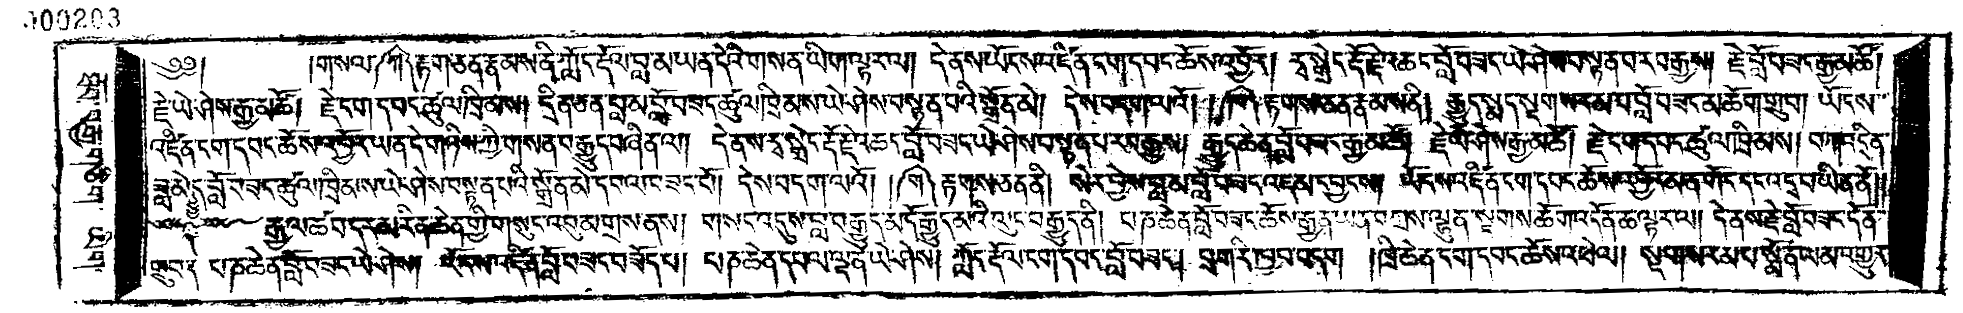༄༅། །གསལ ༼ཀ༽ རྟག་ཅན་རྣམས་ནི་ཀློང་རྡོལ་བླ་མ་ཡན་དེའི་གསན་ཡིག་ལྟར་ལ། དེ་ནས་ཡོངས་འཛིན་ངག་དབང་ཆོས་འབྱོར། རྭ་སྒྲེང་རྡོ་རྗེ་འཆང་བློ་བཟང་ཡེ་ཤེས་བསྟན་པ་རབ་རྒྱས། རྗེ་བློ་བཟང་རྒྱ་མཚོ།
རྗེ་ཡེ་ཤེས་རྒྱ་མཚོ། རྗེ་ངག་དབང་ཚུལ་ཁྲིམས། དྲིན་ཅན་བླ་མ་བློ་བཟང་ཚུལ་ཁྲིམས་ཡེ་ཤེས་བསྟན་པའི་སྒྲོན་མེ། དེས་བདག་ལའོ། །༼ཁ༽ རྟགས་ཅན་རྣམས་ནི། རྒྱུད་སྨད་སྔགས་རམ་པ་བློ་བཟང་མཆོག་གྲུབ། ཡོངས་
འཛིན་ངག་དབང་ཆོས་འབྱོར་ཡན་དེ་གཉིས་ཀྱི་གསན་བརྒྱུད་བཞིན་ལ། དེ་ནས་རྭ་སྒྲེང་རྡོ་རྗེ་འཆང་བློ་བཟང་ཡེ་ཤེས་བསྟན་པ་རབ་རྒྱས། རྒྱུད་ཆེན་བློ་བཟང་རྒྱ་མཚོ། རྗེ་ཡེ་ཤེས་རྒྱ་མཚོ། རྗེ་ངག་དབང་ཚུལ་ཁྲིམས། བཀའ་དྲིན་
ཟླ་མེད་བློ་བཟང་ཚུལ་ཁྲིམས་ཡེ་ཤེས་བསྟན་པའི་སྒྲོན་མེ་དཔལ་བཟང་པོ། དེས་བདག་ལའོ། །༼ག༽ རྟགས་ཅན་ནི། སེར་བྱེས་བླ་མ་བློ་བཟང་འཇམ་དབྱངས། ཡོངས་འཛིན་ངག་དབང་ཆོས་འབྱོར་མན་གོང་དང་འདྲ་བ་ཡིན་ནོ། །
༆་རྒྱལ་ཚབ་དར་མ་རིན་ཆེན་གྱི་གསུང་འབུམ་གྲས་ནས། གསང་འདུས་བླ་བརྒྱུད་མདོ་རྒྱུད་མའི་ལུང་བརྒྱུད་ནི། པཎ་ཆེན་བློ་བཟང་ཆོས་རྒྱན་ཡན་བཀྲས་ལྷུན་སྔགས་ཆོག་འདོན་ཆ་ལྟར་ལ། དེ་ནས་རྗེ་བློ་བཟང་དོན་
གྲུབ༑ པཎ་ཆེན་བློ་བཟང་ཡེ་ཤེས། ཡོངས་འཛིན་བློ་བཟང་བཟོད་པ། པཎ་ཆེན་དཔལ་ལྡན་ཡེ་ཤེས། ཀློང་རྡོལ་ངག་དབང་བློ་བཟང་། བྲག་རི་ཁྱབ་བདག །ཁྲི་ཆེན་ངག་དབང་ཆོས་འཕེལ། སྔགས་རམ་པ་སྨོན་ལམ་འགྱུར་